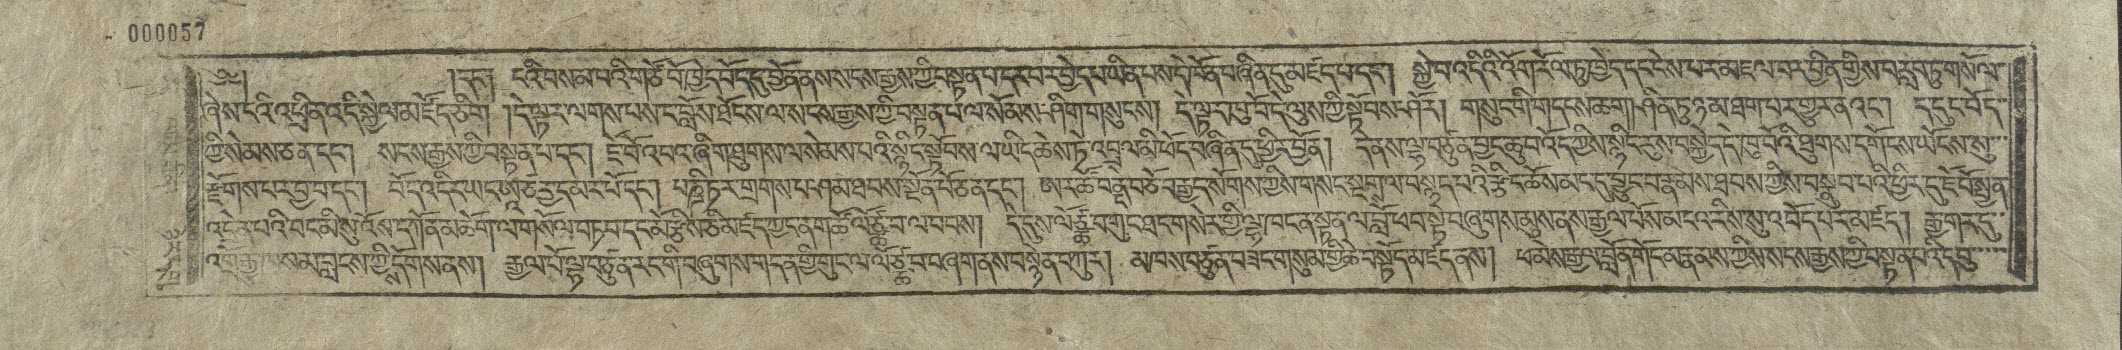༄༅། །དང༑ ངའི་བསམ་པའི་གཙོ་བོ་ཁྱེད་བོད་དུ་བྱོན་ནས་སངས་རྒྱས་ཀྱི་བསྟན་པ་དར་བར་བྱེད་པ་ཡིན་པས་དེ་ཁོ་ན་བཞིན་དུ་མཛད་པ་དང་། སྐྱེ་བ་འདིའི་འོག་རོལ་ཏུ་ཁྱེད་དང་ངེས་པར་མཇལ་བར་བྱིན་གྱིས་བརླབ་ཏུ་གསོལ་
ཞེས་ངའི་འཕྲིན་འདི་སྐྱེལ་མཛོད་ཅིག །དེ་ལྟར་ལགས་པས་ང་བློས་ཐོངས་ལ་སངས་རྒྱས་ཀྱི་བསྟན་པ་ལ་སོམས་ཤིག་གསུངས། དེ་ལྟར་ཁུ་བོ་དེ་ལུས་ཀྱི་སྟོབས་ཤོར། གསུང་གི་གདངས་ཆག །ཤིན་ཏུ་ཉམ་ཐག་པར་གྱུར་ནའང་། ད་དུང་བོད་
ཀྱི་སེམས་ཅན་དང་། སངས་རྒྱས་ཀྱི་བསྟན་པ་དང་། ཇོ་བོ་འབའ་ཞིག་ཐུགས་ལ་སེམས་པའི་སྙིང་སྟོབས་ལ་ཡིད་ཆེས་ཏེ་འབྲལ་མི་ཕོད་བཞིན་དུ་ཕྱིར་བྱོན། དེ་ནས་ལྷ་བཙུན་བྱང་ཆུབ་འོད་ཀྱིས་སྙིང་རུས་བསྐྱེད་དེ་ཁུ་བོའི་ཐུགས་དགོངས་ཡོངས་སུ་
རྫོགས་པར་བྱ་བ་དང་། བོད་འདིར་ཡང་ཨཱ་?་ཙརྱ་?་དམར་པོ་དང་། པཎྜི་ཏར་གྲགས་པ་ཤམ་ཐབས་སྔོན་པོ་ཅན་དང་། ཨར་ཚོ་བནྡེ་བཅོ་བརྒྱད་སོགས་ཀྱིས་གསང་སྔགས་ལ་བསྙད་པའི་རྩིང་?་ཆོས་མང་དུ་བྱུང་བ་རྣམས་ཐབས་ཀྱིས་བསྣུབ་པའི་ཕྱིར་དུ་ཇོ་བོ་སྤྱན་
འདྲེན་པའི་བང་མི་སུ་འོས་དཀོན་མཆོག་ལ་གསོལ་བཏབ་དང་མོ་རྩིས་ཅི་མཛད་ཀྱང་ནག་ཚོ་ལོ་ཙྪ་བ་ལ་བབས། དེ་དུས་ལོ་ཙྪ་བ་གུང་ཐང་གསེར་གྱི་ལྷ་ཁང་ན་སྟན་ལ་བློ་ཕབ་སྟེ་བཞུགས་མུས་ནས་རྒྱལ་པོས་མངའ་རིས་སུ་འབོད་པར་མཛད། རྒྱ་གར་དུ་
འགྲོ་རྒྱུ་ཁས་མ་བླངས་ཀྱིས་དོགས་ནས། རྒྱལ་པོ་ལྷ་བཙུན་རང་གི་བཞུགས་གདན་གྱི་གུང་ལ་ལོ་ཙྪ་བ་བཞག་ནས་བསྙེན་བཀུར། མཁས་བཙུན་བཟང་གསུམ་གྱི་ཆེ་བསྟོད་མཛད་ནས། ཕ་མེས་རྒྱལ་བློན་གོང་མ་རྣམས་ཀྱིས་སངས་རྒྱས་ཀྱི་བསྟན་པའི་དབུ་